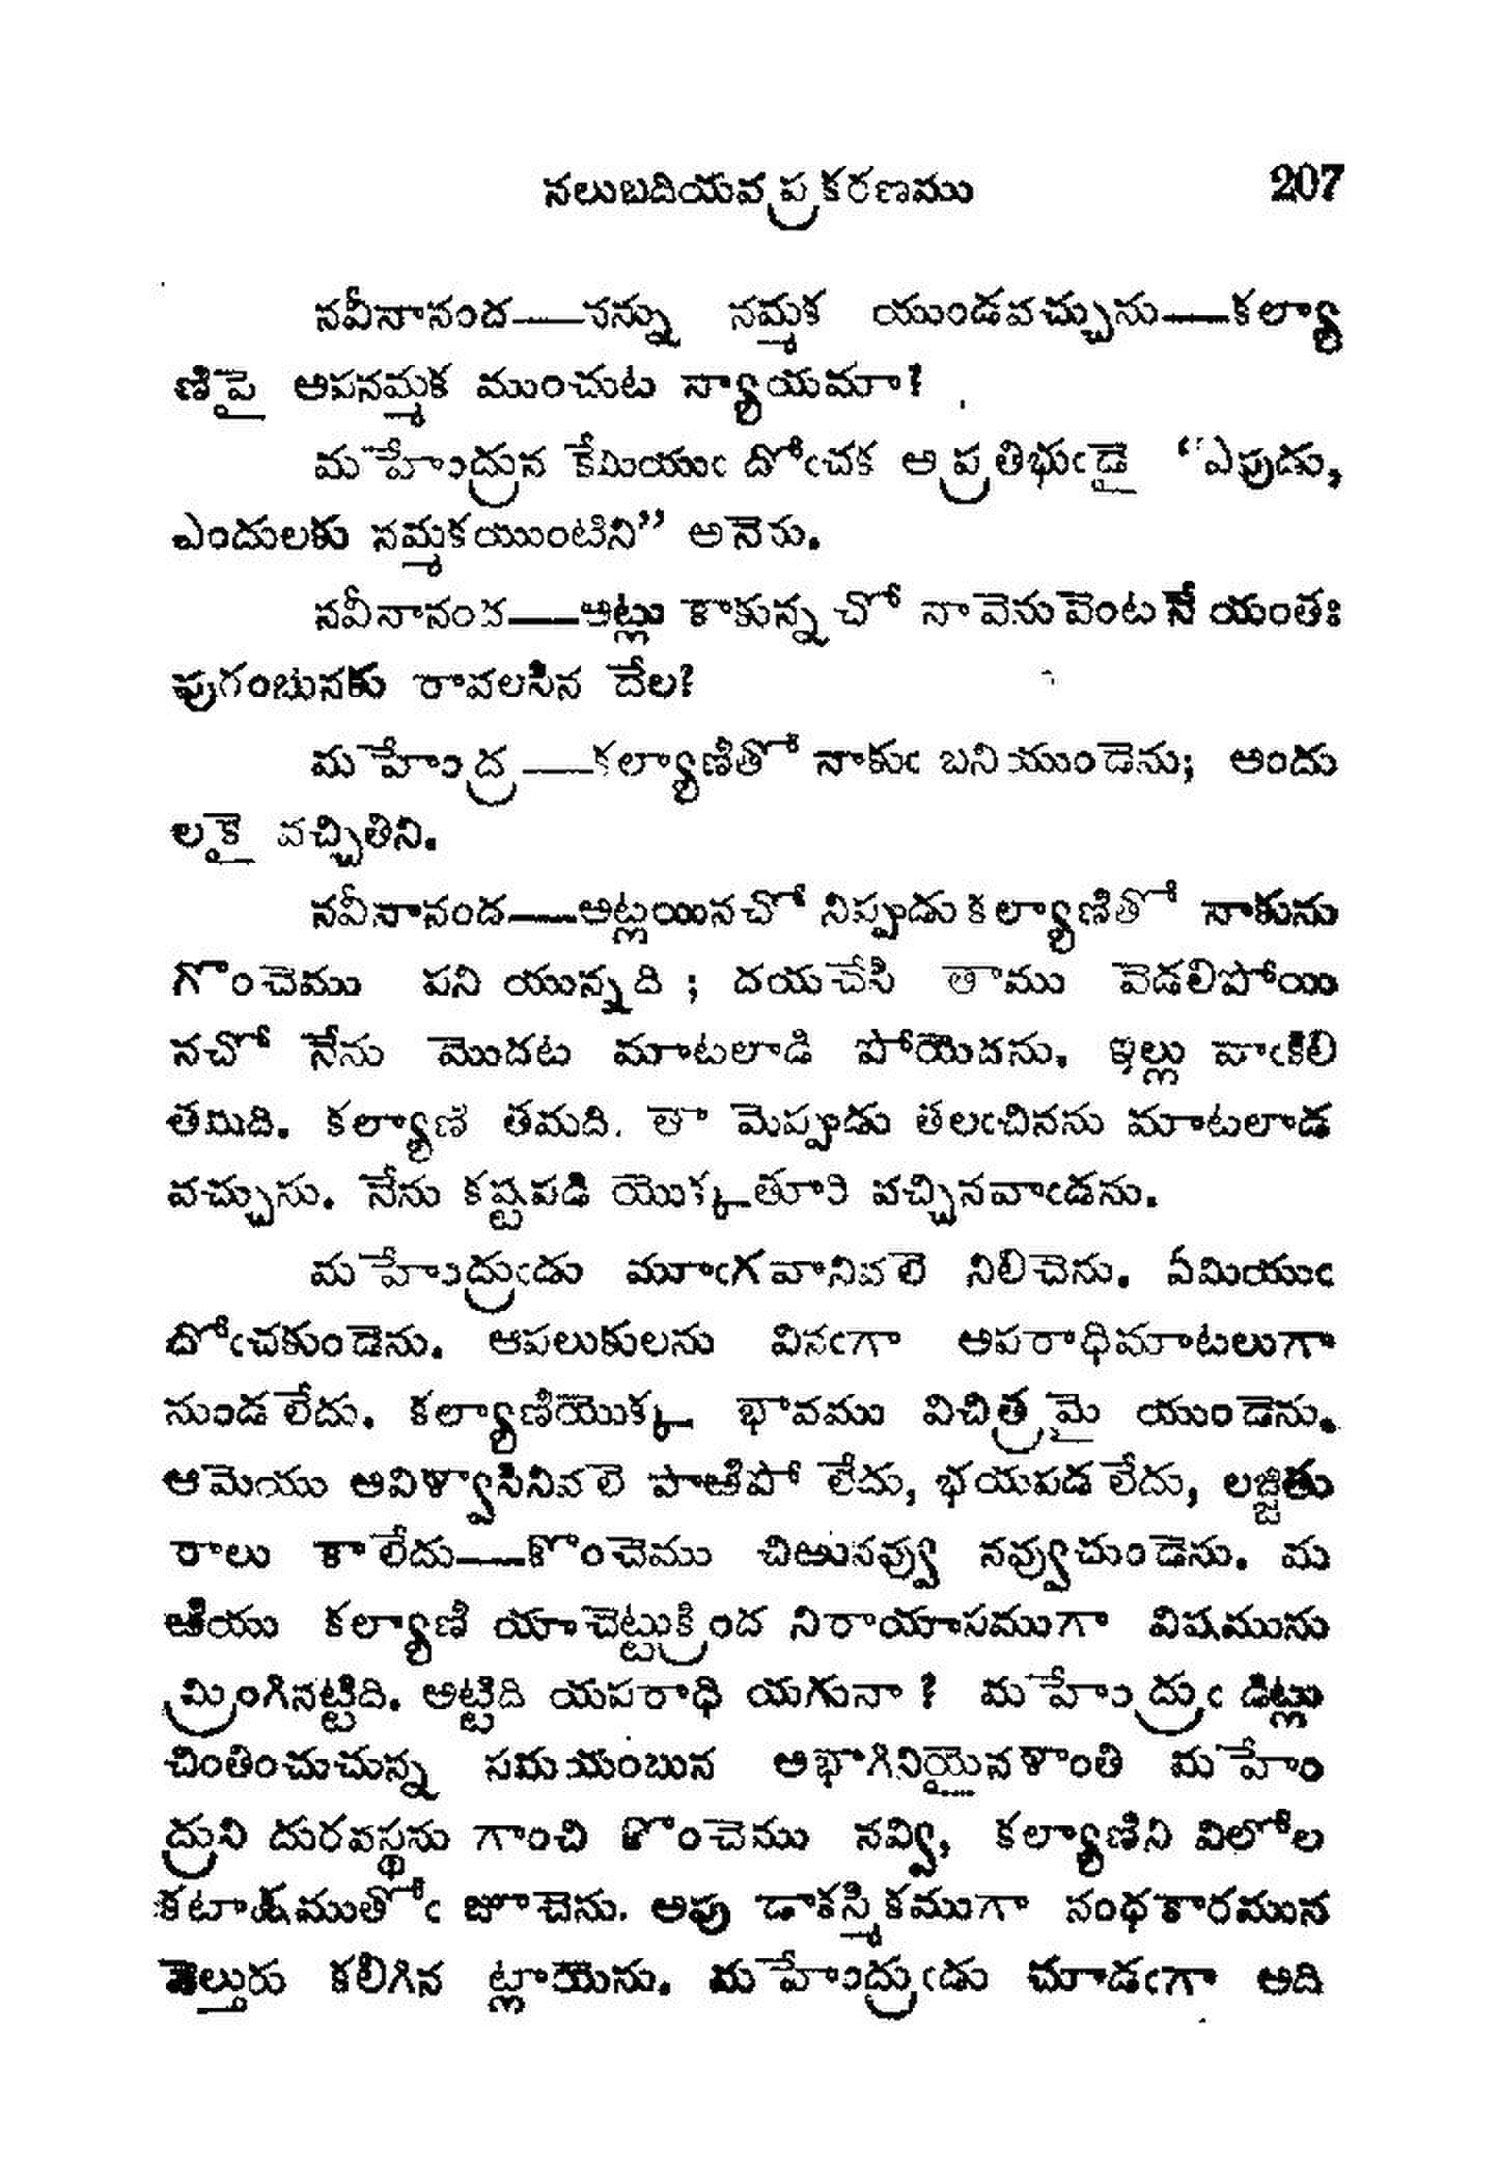నవీనానంద——నన్ను నమ్మక యుండవచ్చును——కల్యాణిపై అపనమ్మక ముంచుట న్యాయమా?

మహేంద్రున కేమియుఁ దోఁచక అప్రతిభుఁడై “ఎపుడు, ఎందులకు నమ్మకయుంటిని” అనెను.

నవీనానంద——ఆట్లు కాకున్నచో నా వెను వెంటనే యంతఃపురంబునకు రావలసిన దేల?

మహేంద్ర——కల్యాణీతో నాకుఁ బని యుండెను; అందులకై వచ్చితిని.

నవీనానంద——అట్లయినచో నిప్పుడు కల్యాణితో నాకును గోంచెము పని యున్నది; దయచేసి తాము వెడలిపోయి
నచో నేను మొదట మాటలాడి పోయెదను. ఇల్లు వాఁకిలి తమది. కల్యాణి తమది. తా మెప్పుడు తలఁచినను మాటలాడ
వచ్చును. నేను కష్టపడి యొక్కతూరి వచ్చినవాఁడను.

మహేంద్రుఁడు మూఁగవానివలె నిలిచెను. ఏమియుఁ దోఁచకుండెను. ఆపలుకులను వినఁగా అపరాధిమాటలుగా నుండ లేదు. కల్యాణీ యొక్క భావము విచిత్రమై యుండెను. ఆమెయు అవిశ్వాసినివలె పాఱిపో లేదు, భయపడ లేదు, లజ్జితురాలు కాలేదు——కొంచెము చిఱునవ్వు నవ్వుచుండెను. మఱియు కల్యాణి యా చెట్టు క్రింద నిరాయాసముగా విషమును
మ్రింగినట్టిది. అట్టిది యపరాధి యగునా ! మహేంద్రుఁ డిట్లు చింతించుచున్న సమయంబున అభాగినియైనశాంతి మహేం
ద్రుని దురవస్థను గాంచి కొంచెము నవ్వి, కల్యాణిని విలోల కటాక్షముతోఁ జూచెను. అపు డాకస్మికముగా నంధకారమున
వెల్తురు కలిగిన ట్లాయెను. మహేంద్రుఁడు చూడఁగా అది